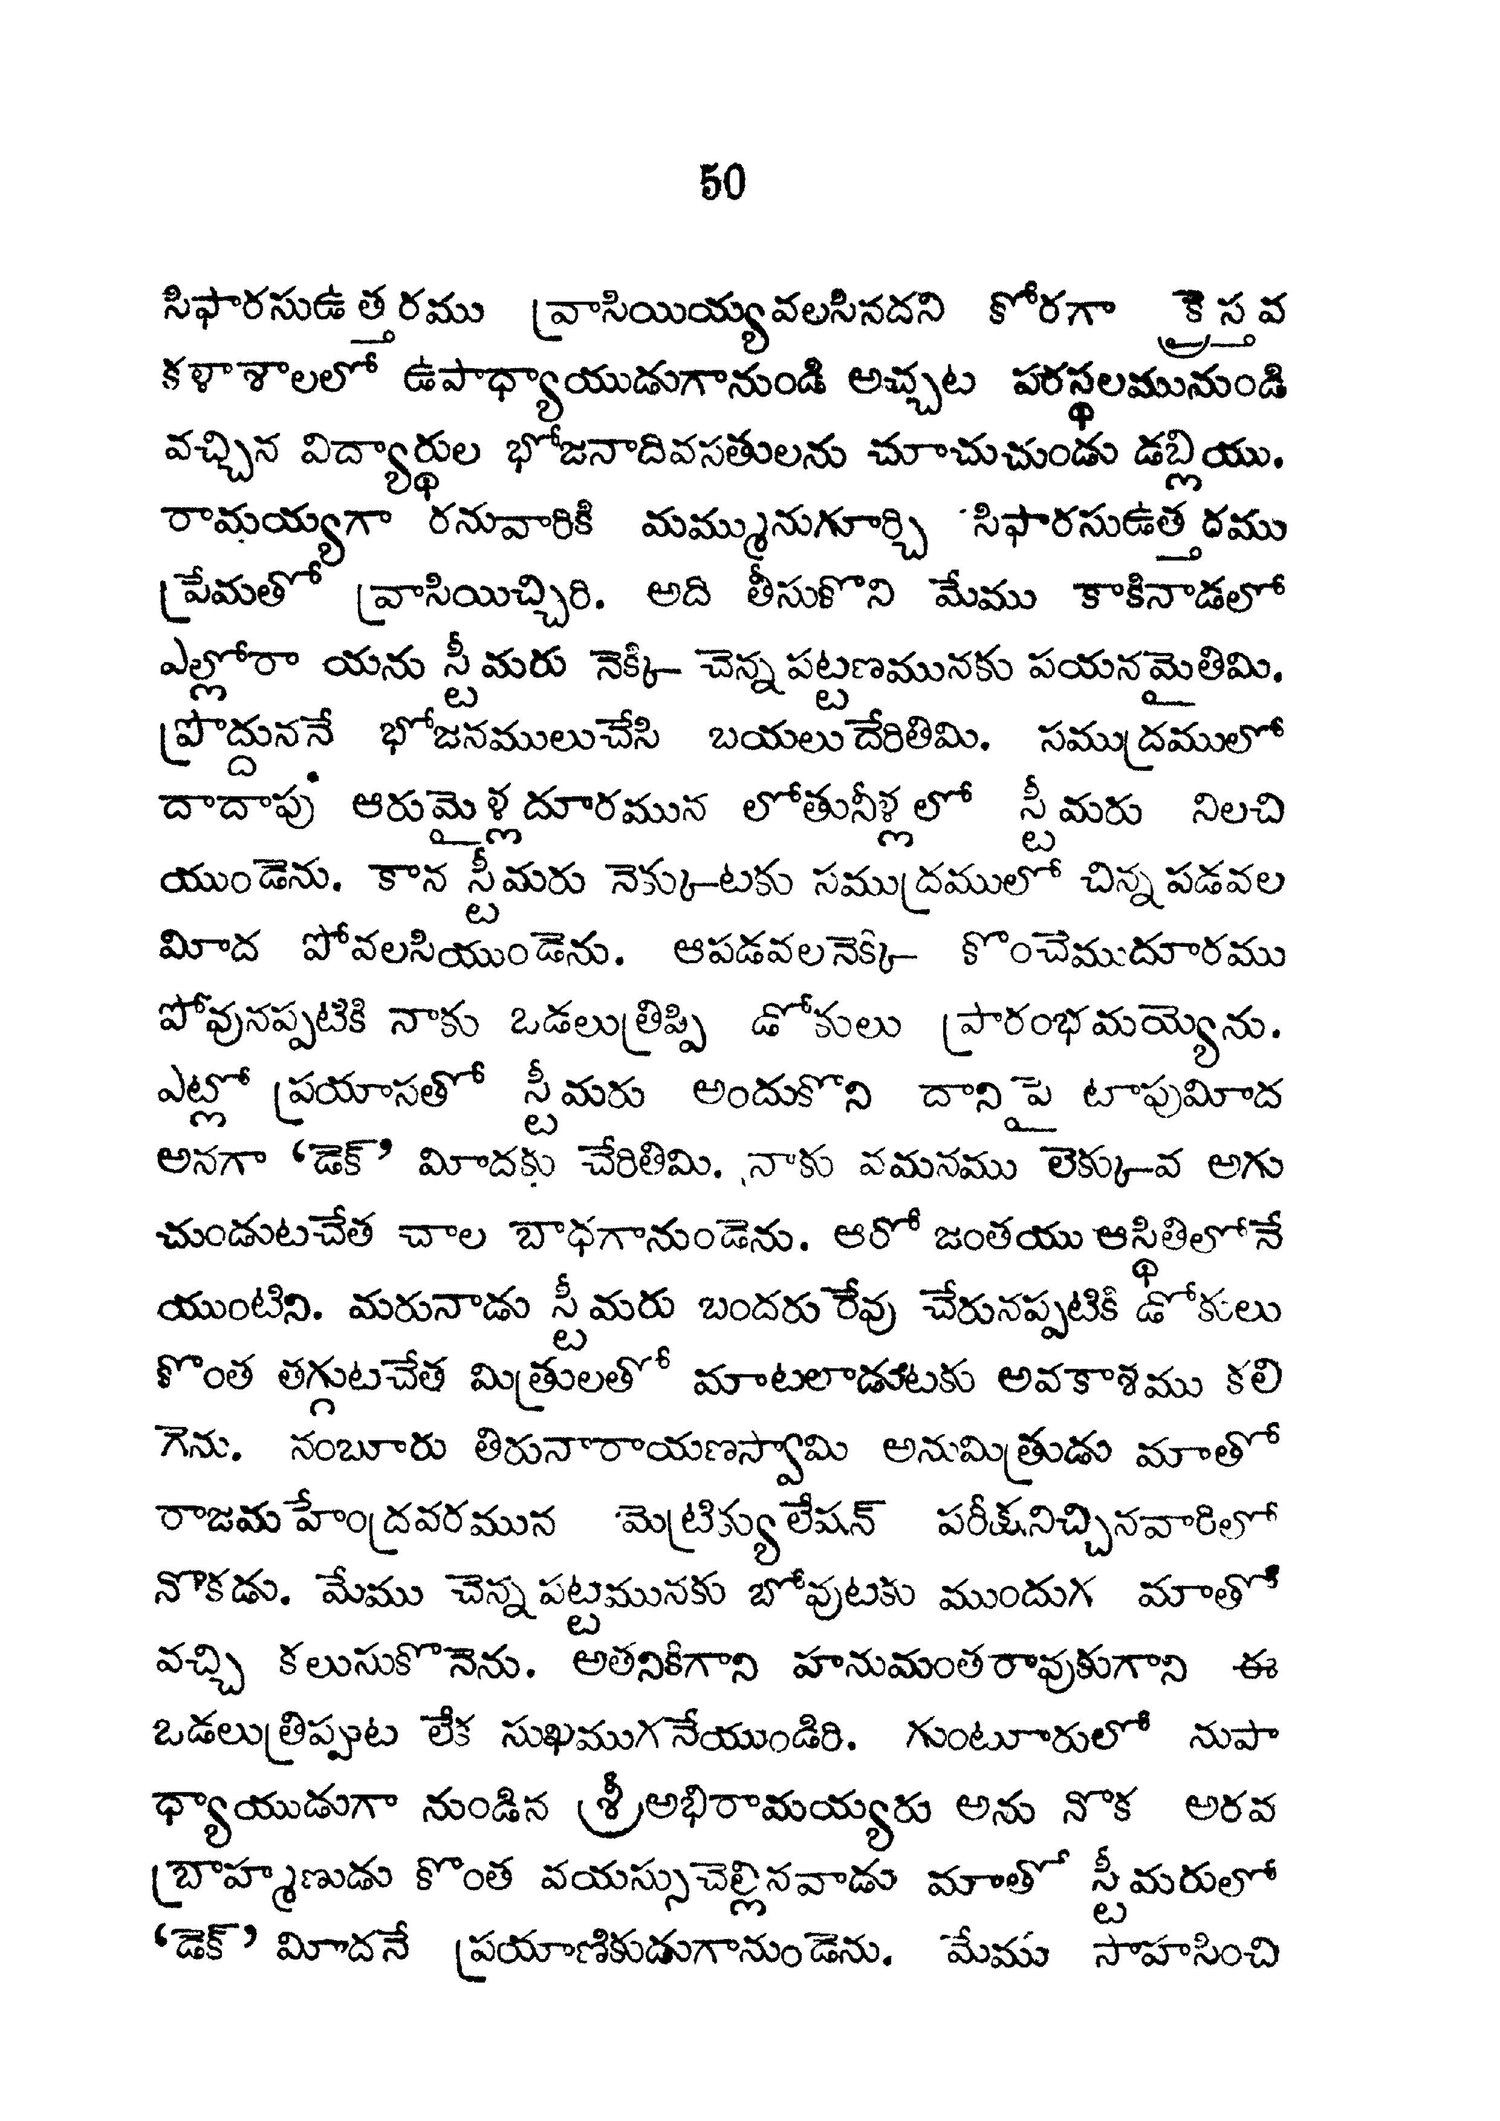సిఫారసుఉత్తరము వ్రాసియియ్యవలసినదని కోరగా క్రైస్తవకళాశాలలో ఉపాధ్యాయుడుగానుండి అచ్చట పరస్థలమునుండి వచ్చిన విద్యార్థుల భోజనాదివసతులను చూచుచుండు డబ్లియు. రామయ్యగా రనువారికి మమ్మునుగూర్చి సిఫారసుఉత్తరము ప్రేమతో వ్రాసియిచ్చిరి. అది తీసుకొని మేము కాకినాడలో ఎల్లోరా యను స్టీమరు నెక్కి చెన్నపట్టణమునకు పయనమైతిమి. ప్రొద్దుననే భోజనముచేసి బయలుదేరితిమి. సముద్రములో దాదాపు ఆరుమైళ్లదూరమున లోతునీళ్లలో స్టీమరు నిలచి యుండెను. కాన స్టీమరు నెక్కుటకు సముద్రములో చిన్నపడవల మీద పోవలసియుండెను. ఆపడవలనెక్కి కొంచెముదూరము పోవునప్పటికి నాకు ఒడలుత్రిప్పి డోకులు ప్రారంభమయ్యెను. ఎట్లో ప్రయాసతో స్టీమరు అందుకొని దానిపై టాపుమీద అనగా 'డెక్‌' మీదకు చేరితిమి. నాకు వమనము లెక్కువ అగుచుండుటచేత చాల బాధగానుండెను. ఆరోజంతయు ఆస్థితిలోనే యుంటిని. మరునాడు స్టీమరు బందరు రేవు చేరునప్పటికి డోకులు కొంత తగ్గుటచేత మిత్రులతో మాటలాడుటకు అవకాశము కలిగెను. నంబూరు తిరునారాయణస్వామి అనుమిత్రుడు మాతో రాజమహేంద్రవరమున మెట్రిక్యులేషన్ పరీక్షనిచ్చినవారిలో నొకడు. మేము చెన్నపట్టణమునకు బోవుటకు ముందుగ మాతోవచ్చి కలుసుకొనెను. అతనికిగాని హనుమంతురావుకుగాని ఈ ఒడలుత్రిప్పుట లేక సుఖముగనేయుండిరి. గుంటూరులో నుపాధ్యాయుడుగా నుండిన శ్రీఅభిరామయ్యరు అను నొక అరవబ్రాహ్మణుడు కొంత వయస్సుచెల్లినవాడు మాతో స్టీమరులో 'డెక్‌' మీదనే ప్రయాణికుడుగానుండెను. మేము సాహసించి